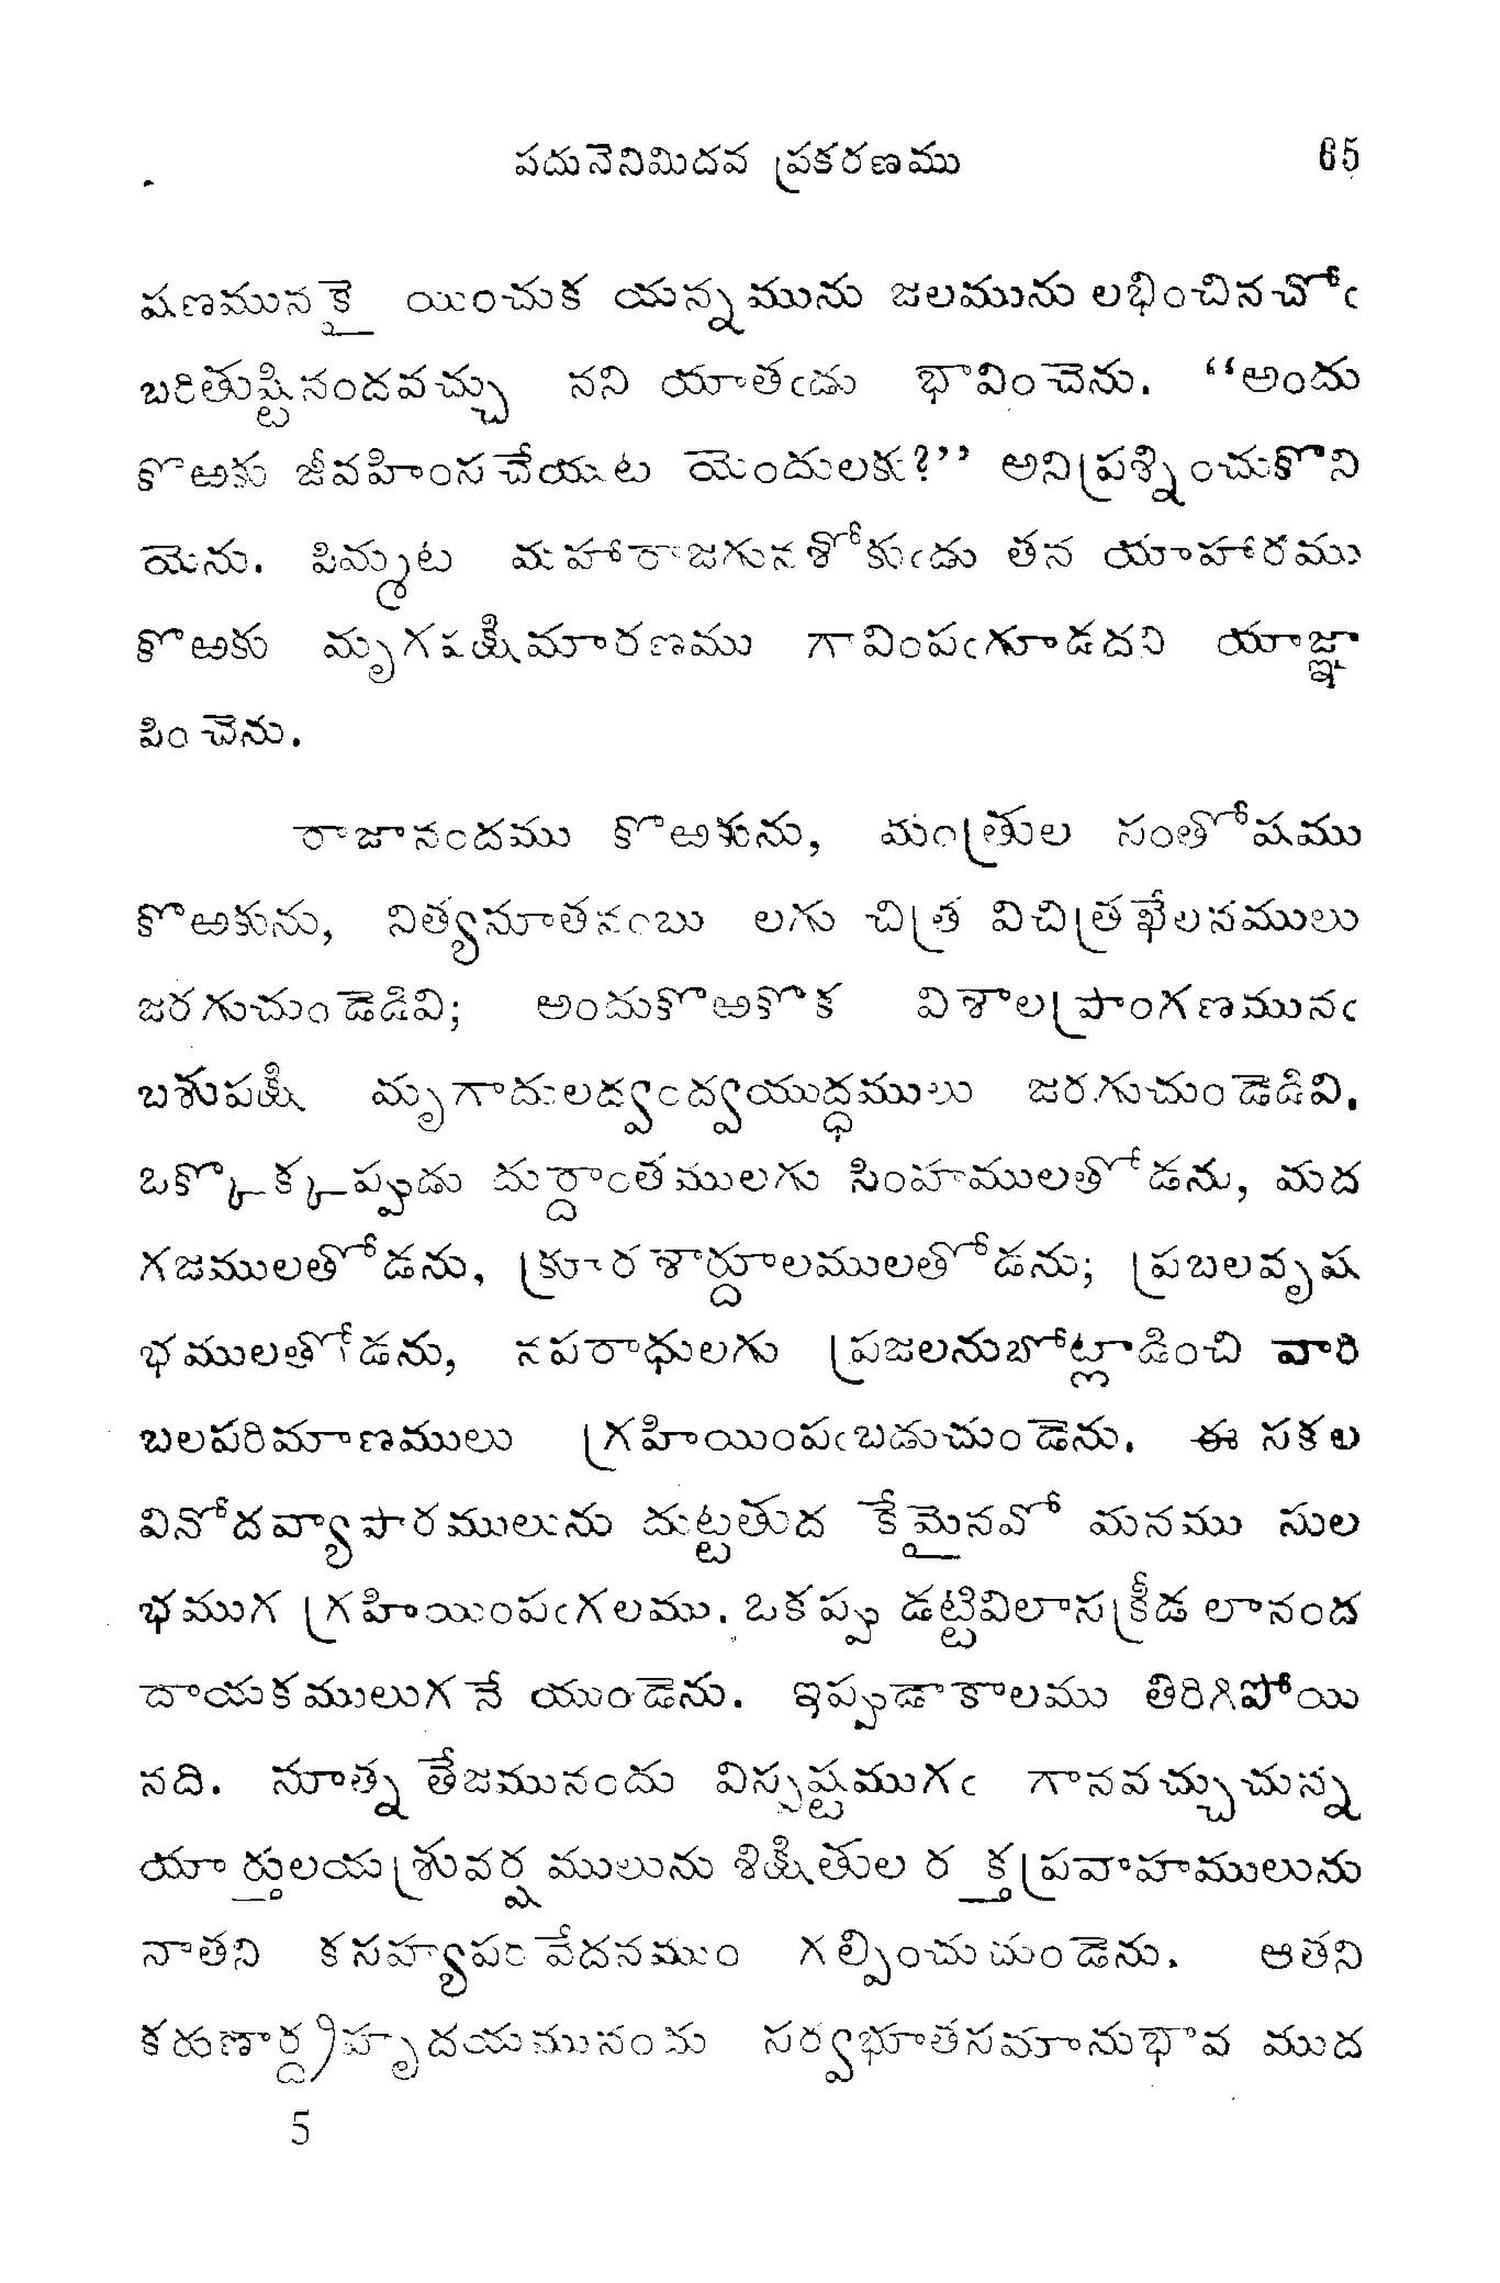షణమునకై యించుక యన్నమును జలమును లభించినచోఁ బరితుష్టినందవచ్చు నని యాతఁడు భావించెను. “అందుకొఱకు జీవహింస చేయుట యెందులకు?” అని ప్రశ్నించుకొనియెను. పిమ్మట మహారాజగునశోకుఁడు తన యాహారము కొఱకు మృగపక్ష్మి మారణము గావింపఁగూడదని యాజ్ఞాపించెను.

రాజానందము కొఱకును, మంత్రుల సంతోషము కొఱకును, నిత్యనూతనంబు లగు చిత్ర విచిత్ర ఖేలనములు జరగుచుండెడివి; అందుకొఱకొక విశాల ప్రాంగణమునఁ బశుపక్షి, మృగాదులద్వంద్వయుద్ధములు జరగుచుండెడివి. ఒక్కొక్కప్పుడు దుర్దాంతములగు సింహములతోడను, మద గజములతోడను, క్రూరశార్దూలములతోడను; ప్రబల వృషభముల తోడను, నపరాధులగు ప్రజలను బోట్లాడించి వారి బలపరిమాణములు గ్రహియింపఁబడు చుండెను. ఈ సకల వినోదవ్యాపారములును దుట్టతుద కేమైనవో మనము సులభముగ గ్రహియింపఁగలము, ఒకప్పు డట్టివిలాస క్రీడ లానంద దాయకములుగ నే యుండెను. ఇప్పుడా కాలము తిరిగిపోయినది. సూత్న తేజమునందు విస్పష్టముగఁ గానవచ్చుచున్న యార్తుల యశ్రు వర్షములును శిక్షితుల రక్తప్రవాహములును నాతని కసహ్యపరి వేదనముం గల్పించు చుండెను, ఆతని కరుణార్ద్రహృదయమునందు సర్వభూతసమానుభావ ముద